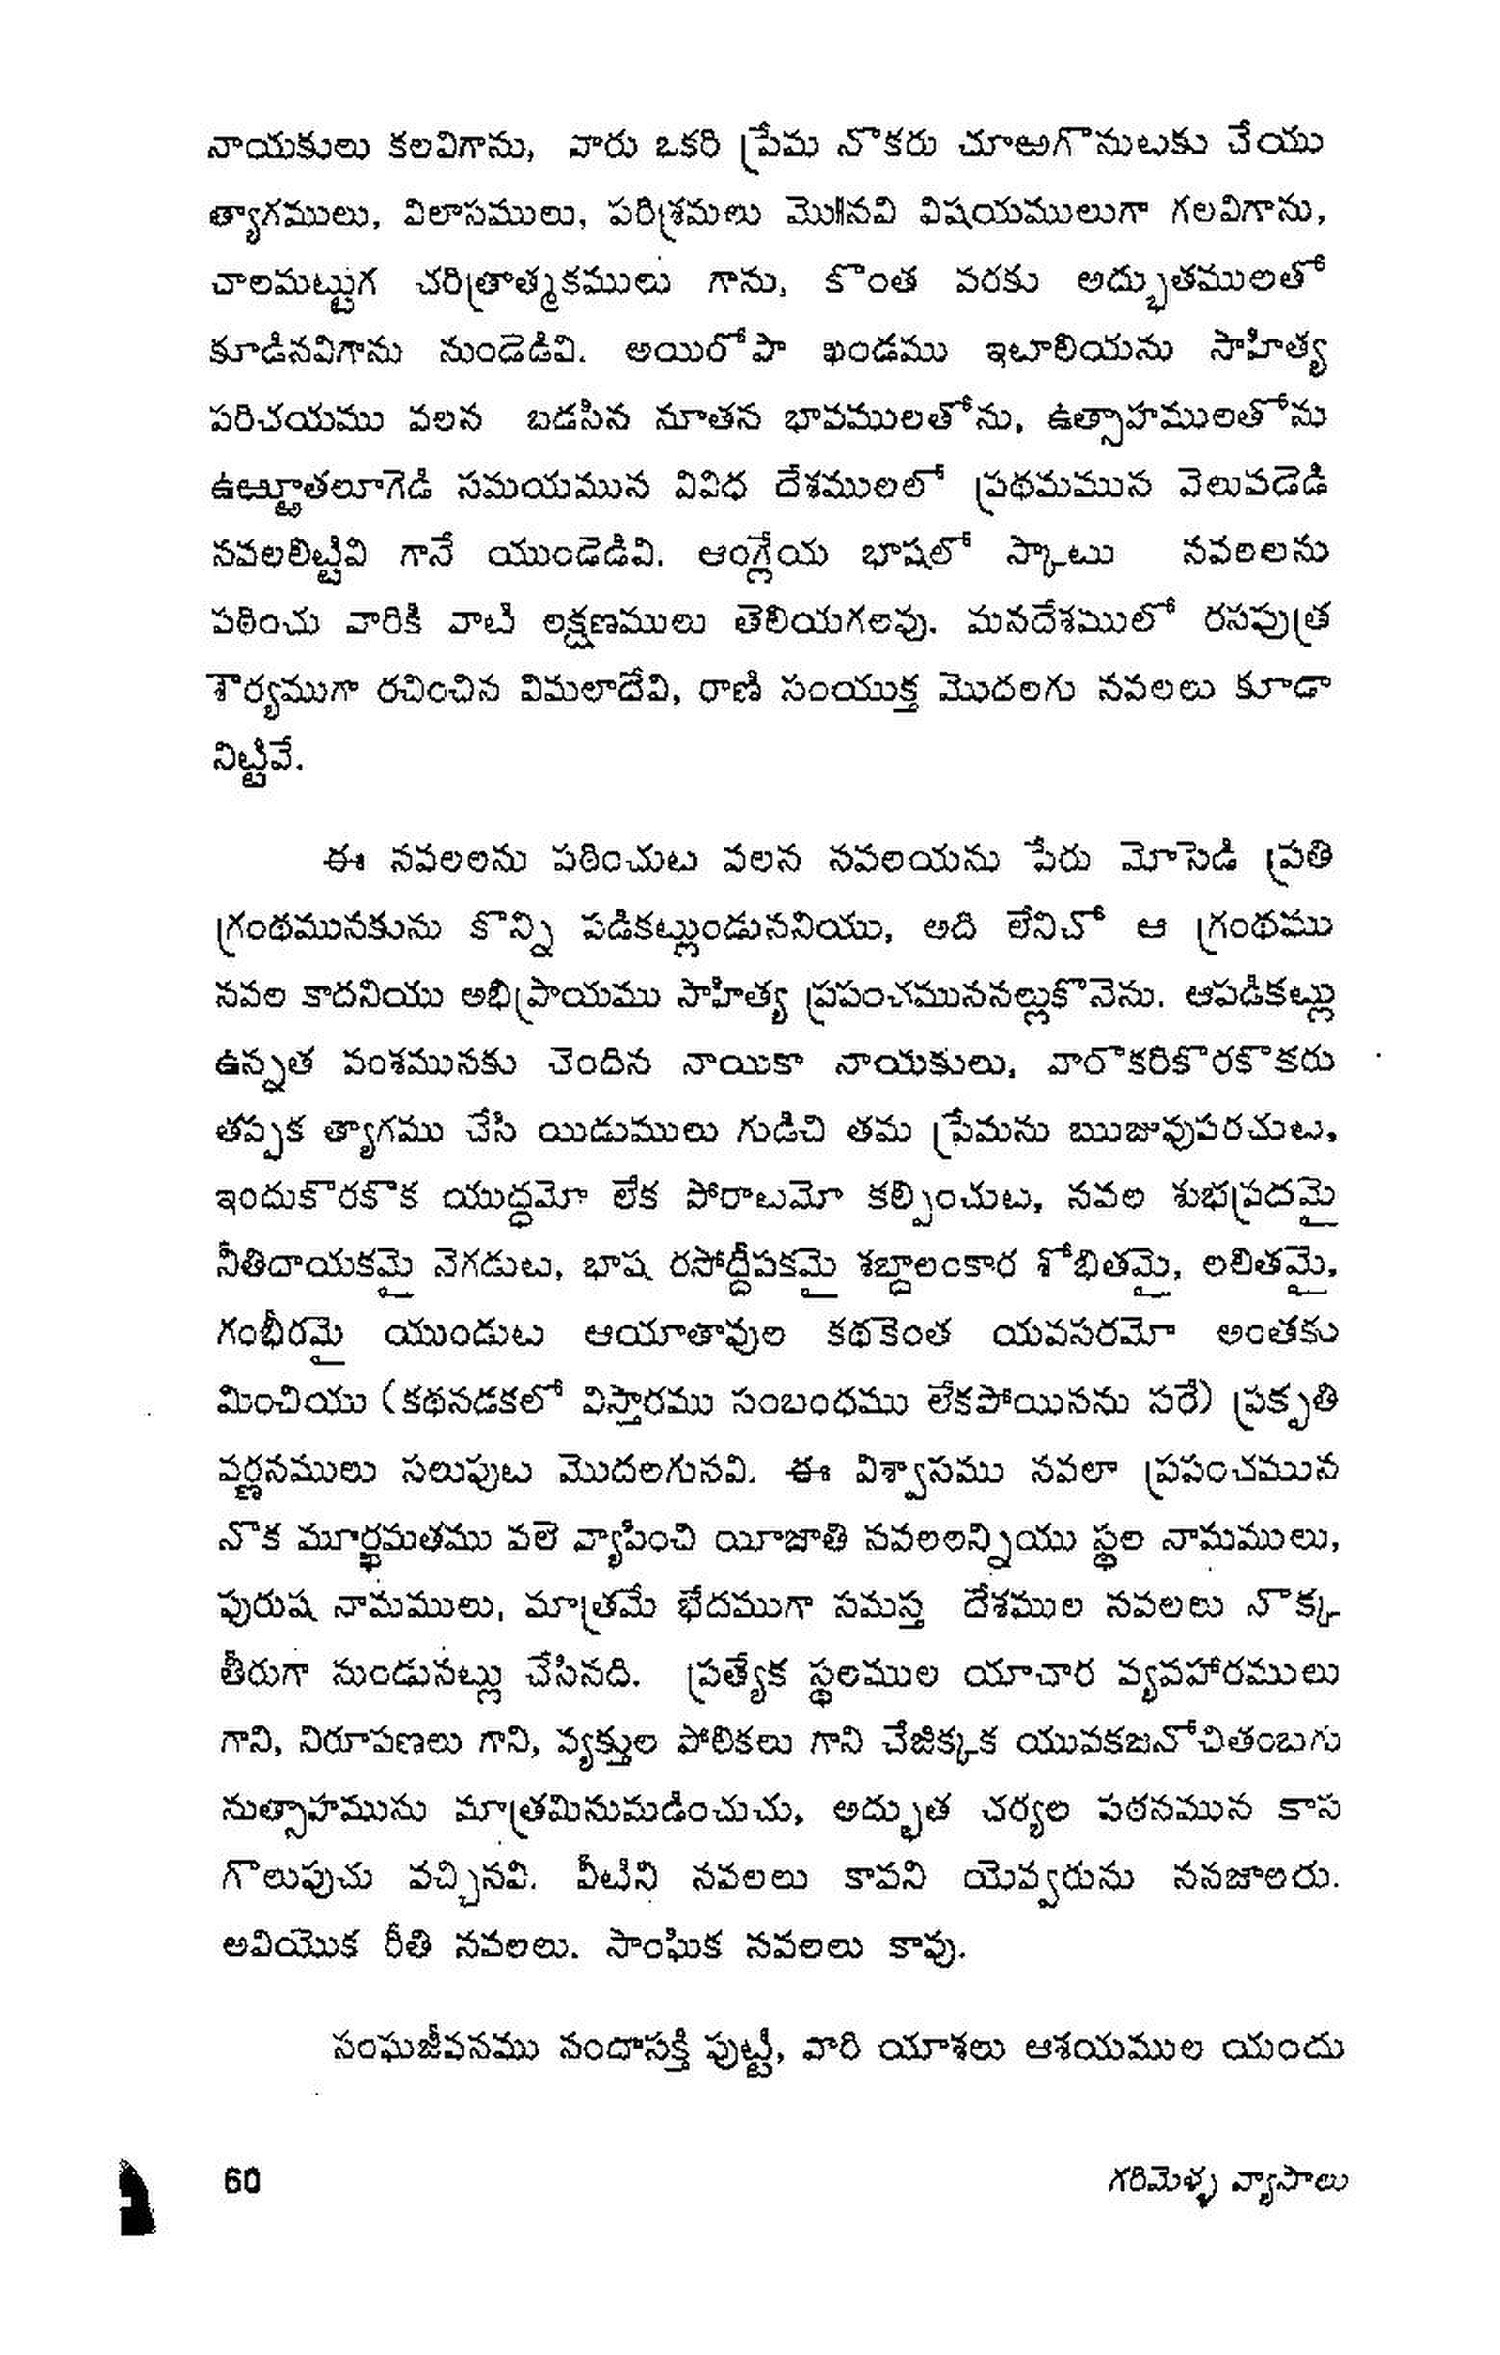నాయకులు కలవిగాను, వారు ఒకరి ప్రేమ నొకరు చూఱగొనుటకు చేయు త్యాగములు, విలాసములు, పరిశ్రమలు మొ॥నవి విషయములుగా గలవిగాను, చాలమట్టుగ చరిత్రాత్మకములు గాను, కొంత వరకు అద్భుతములతో కూడినవిగాను నుండెడివి. అయిరోపా ఖండము ఇటాలియను సాహిత్య పరిచయము వలన బడసిన నూతన భావములతోను, ఉత్సాహములతోను ఉఱ్ఱూతలూగెడి సమయమున వివిధ దేశములలో ప్రథమమున వెలువడెడి నవలలిట్టివి గానే యుండెడివి. ఆంగ్లేయ బాషలో స్కాటు నవలలను పఠించు వారికి వాటి లక్షణములు తెలియగలవు. మనదేశములో రసపుత్ర శౌర్యముగ రచించిన విమలాదేవి, రాణి సంయుక్త మొదలగు నవలలు కూడా నిట్టివే.

ఈ నవలలను పఠించుట వలన నవలయను పేరు మోసెడి ప్రతి గ్రంథమునకును కొన్ని పడికట్లుండుననియు, అది లేనిచో ఆ గ్రంథము నవల కాదనియు అభిప్రాయము సాహిత్య ప్రపంచమున నల్లుకొనెను. ఆపడికట్లు ఉన్నత వంశమునకు చెందిన నాయికా నాయకులు, వారొకరికొరకొకరు తప్పక త్యాగము చేసి యిడుములు గుడిచి తమ ప్రేమను ఋజువుపరచుట, నీతిదాయకమై నెగడుట, భాష రసోద్దీపకమై శబ్దాలంకార శోభితమై లలితమై, గంభీరమై యుండుట ఆయాతావుల కథకెంత యవసరమో అంతకు మించియు (కథనడకలో విస్తారము సంబంధము లేకపోయినను సరే) ప్రకృతి వర్ణనములు సలుపుట మొదలగునవి. ఈ విశ్వాసము నవలా ప్రపంచమున నొక మూర్ఖమతము వలె వ్యాపించి యీజాతి నవలలన్నియు స్థల నామములు, పురుష నామములు మత్రమే భేదముగా సమస్త దేశముల నవలలు నొక్క తీరుగా నుండునట్లు చేసినది. ప్రత్యేక స్థలముల యాచార వ్యవహారములు గాని, నిరూపణలు గాని, వ్యక్తుల పోలికలు గాని చేజిక్కక యువకజనోచితంబగు నుత్సాహమును మాత్రమినుమడించుచు, అద్భుత చర్యల పఠనమున కాస గొలుపుచు వచ్చినవి. వీటిని నవలలు కావని యెవ్వరును ననజాలరు. అవియొక రీతి ననలలు. సాంఘిక నవలలు కావు.

సంఘజీవనము నందాసక్తి పుట్టి, వారి యాశలు ఆశయముల యందు